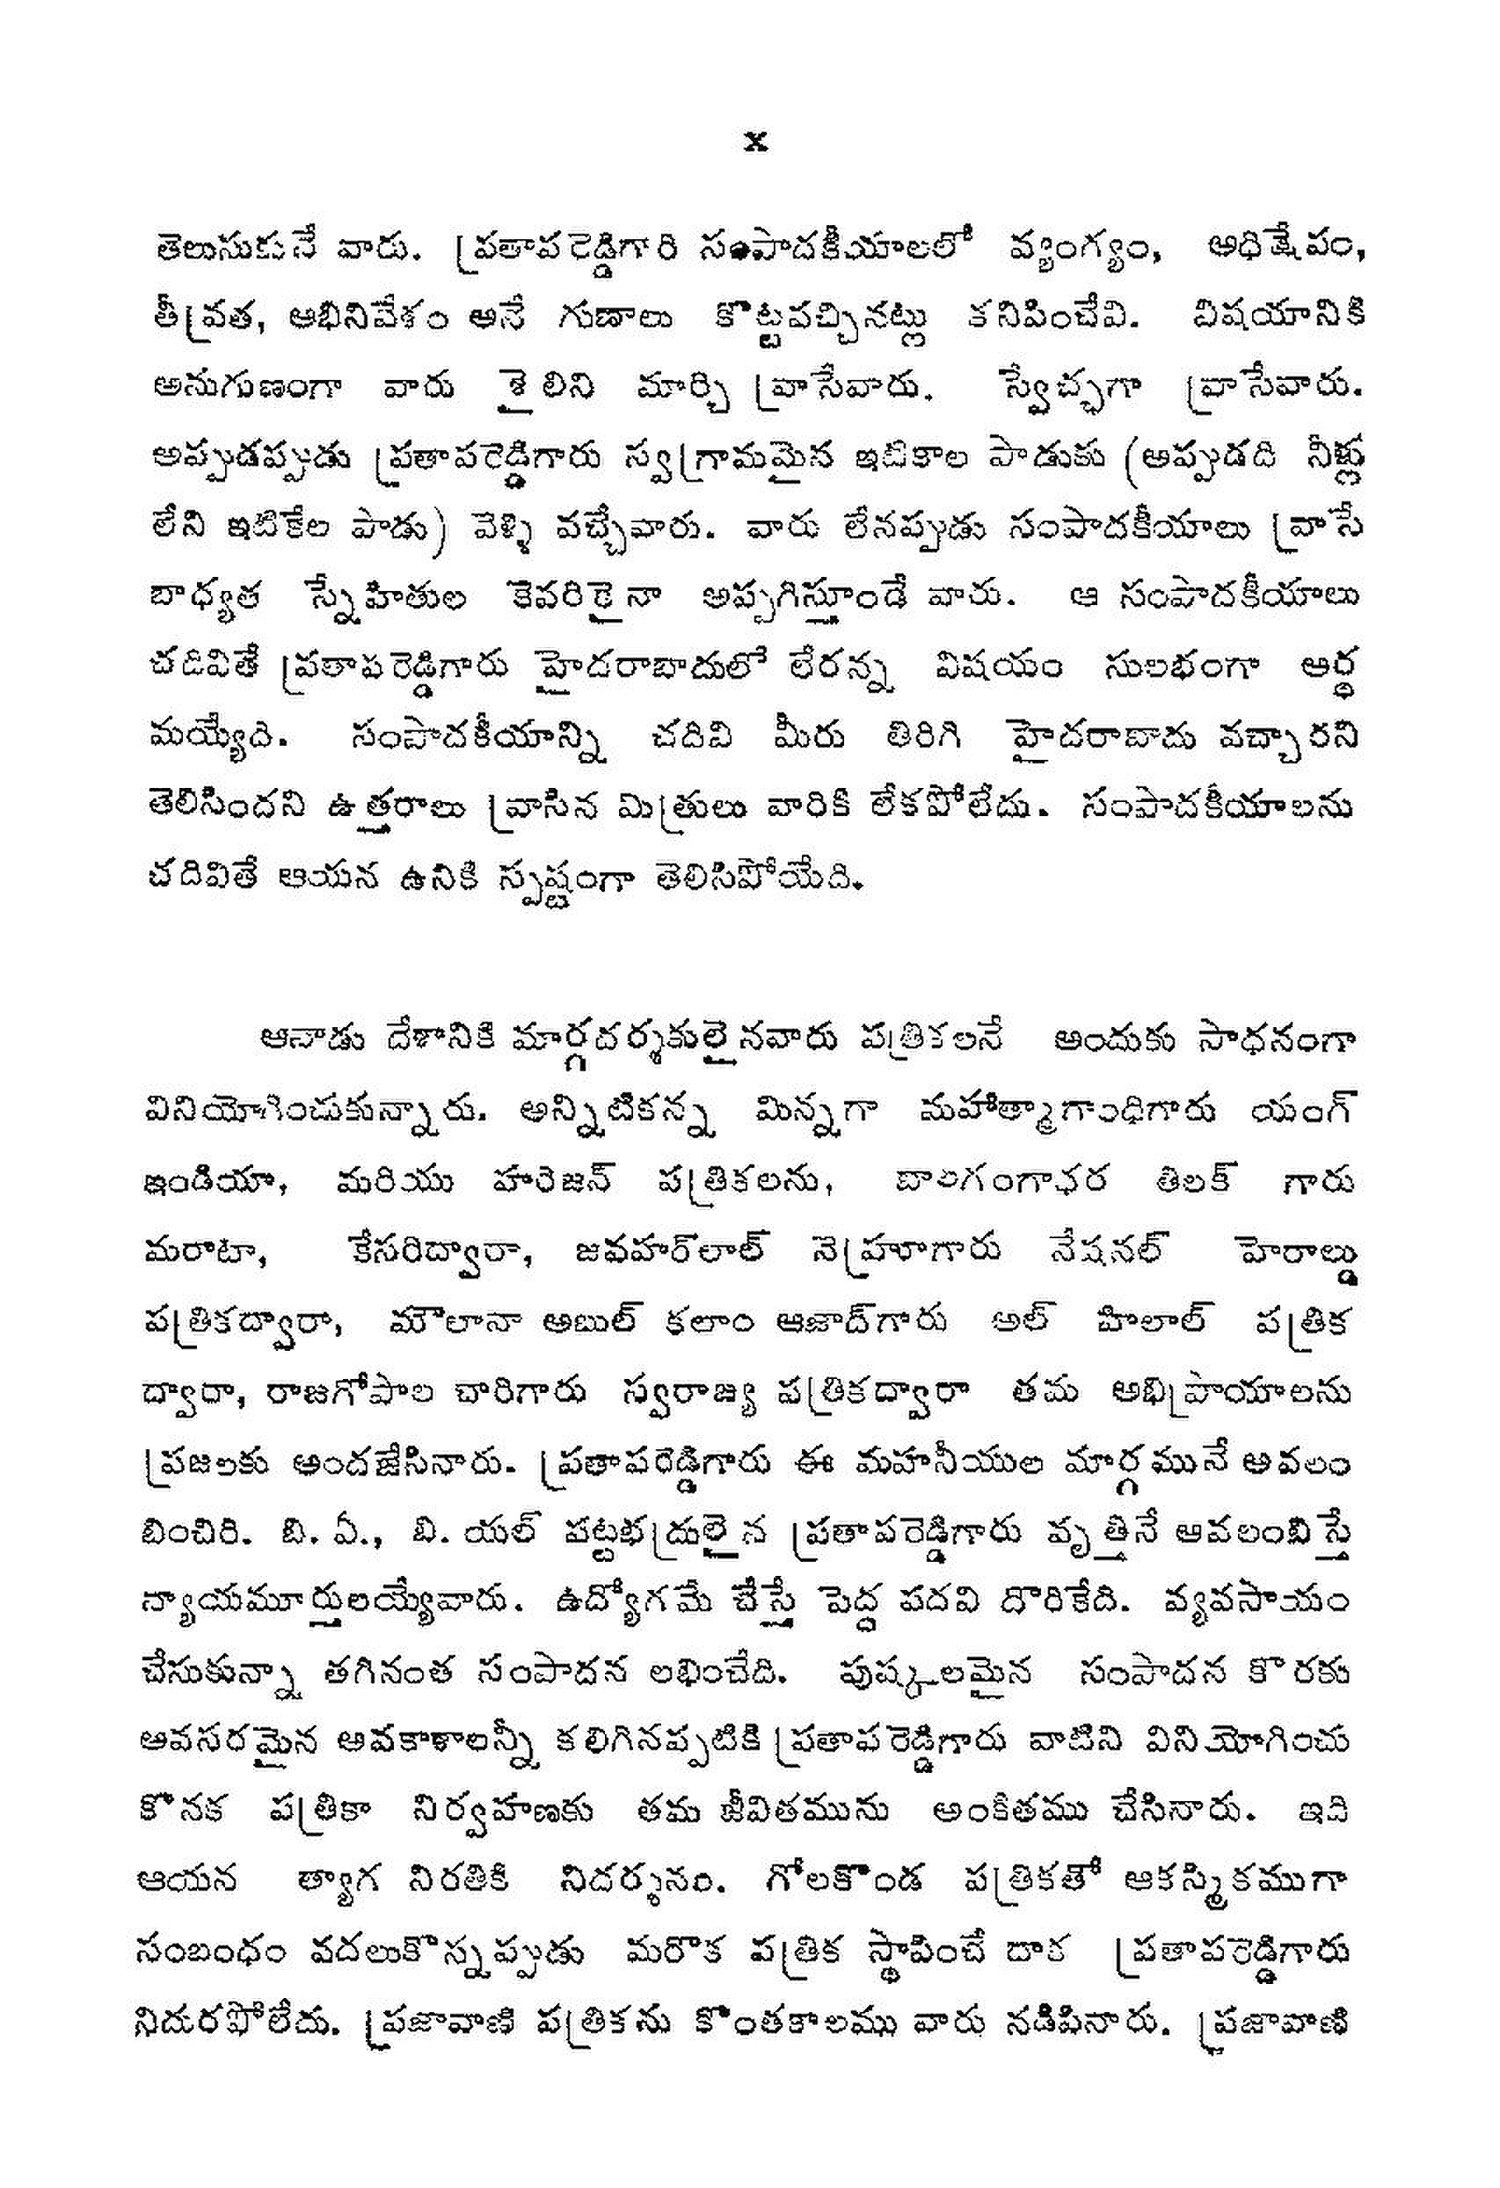తెలుసుకునే వారు. ప్రతాపరెడ్డిగారి సంపాదకీయాలలో వ్యంగ్యం, అధిక్షేపం, తీవ్రత, అభినివేశం అనే గుణాలు కొట్టవచ్చినట్లు కనిపించేవి. విషయానికి అనుగుణంగా వారు శైలిని మార్చి వ్రాసేవారు. స్వేచ్ఛగా వ్రాసేవారు.
అప్పుడప్పుడు ప్రతాపరెడ్డిగారు స్వగ్రామమైన ఇటికాల పాడుకు (అప్పుడది నీళ్లు లేని ఇటికేల పాడు) వెళ్ళి వచ్చేవారు. వారు లేనప్పుడు సంపాదకీయాలు వ్రాసే బాధ్యత స్నేహితుల కెవరికైనా అప్పగిస్తూండే వారు. ఆ సంపాదకీయాలు చదివితే ప్రతాపరెడ్డిగారు హైదరాబాదులో లేరన్న విషయం సులభంగా అర్థమయ్యేది. సంపాదకీయాన్ని చదివి మీరు తిరిగి హైదరాబాదు వచ్చారని తెలిసిందని ఉత్తరాలు వ్రాసిన మిత్రులు వారికి లేకపోలేదు. సంపాదకీయాలను చదివితే ఆయన ఉనికి స్పష్టంగా తెలిసిపోయేది.

ఆనాడు దేశానికి మార్గదర్శకులైనవారు పత్రికలనే అందుకు సాధనంగా వినియోగించుకున్నారు. అన్నిటికన్న మిన్నగా మహాత్మాగాంధిగారు యంగ్ ఇండియా, మరియు హరిజన్ పత్రికలను, బాలగంగాధర తిలక్ గారు మరాటా, కేసరిద్వారా, జవహర్‌లాల్ నెహ్రూగారు నేషనల్ హెరాల్డు పత్రికద్వారా, మౌలానా అబుల్ కలాం ఆజాద్‌గారు అల్ హిలాల్ పత్రిక ద్వారా, రాజగోపాల చారిగారు స్వరాజ్య పత్రికద్వారా తమ అభిప్రాయాలను ప్రజలకు అందజేసినారు. ప్రతాపరెడ్డిగారు ఈ మహనీయుల మార్గమునే అవలంబించిరి. బి. ఏ., బి. యల్ పట్టభద్రులైన ప్రతాపరెడ్డిగారు వృత్తినే అవలంబిస్తే న్యాయమూర్తులయ్యేవారు. ఉద్యోగమే చేస్తే పెద్ద పదవి దొరికేది. వ్యవసాయం చేసుకున్నా తగినంత సంపాదన లభించేది. పుష్కలమైన సంపాదన కొరకు అవసరమైన అవకాశాలన్నీ కలిగినప్పటికి ప్రతాపరెడ్డిగారు వాటిని వినియోగించు కొనక పత్రికా నిర్వహణకు తమ జీవితమును అంకితము చేసినారు. ఇది
ఆయన త్యాగ నిరతికి నిదర్శనం. గోలకొండ పత్రికతో ఆకస్మికముగా సంబంధం వదలుకొన్నప్పుడు మరొక పత్రిక స్థాపించే దాక ప్రతాపరెడ్డిగారు నిదురపోలేదు. ప్రజావాణి పత్రికను కొంతకాలము వారు నడిపినారు. ప్రజావాణి